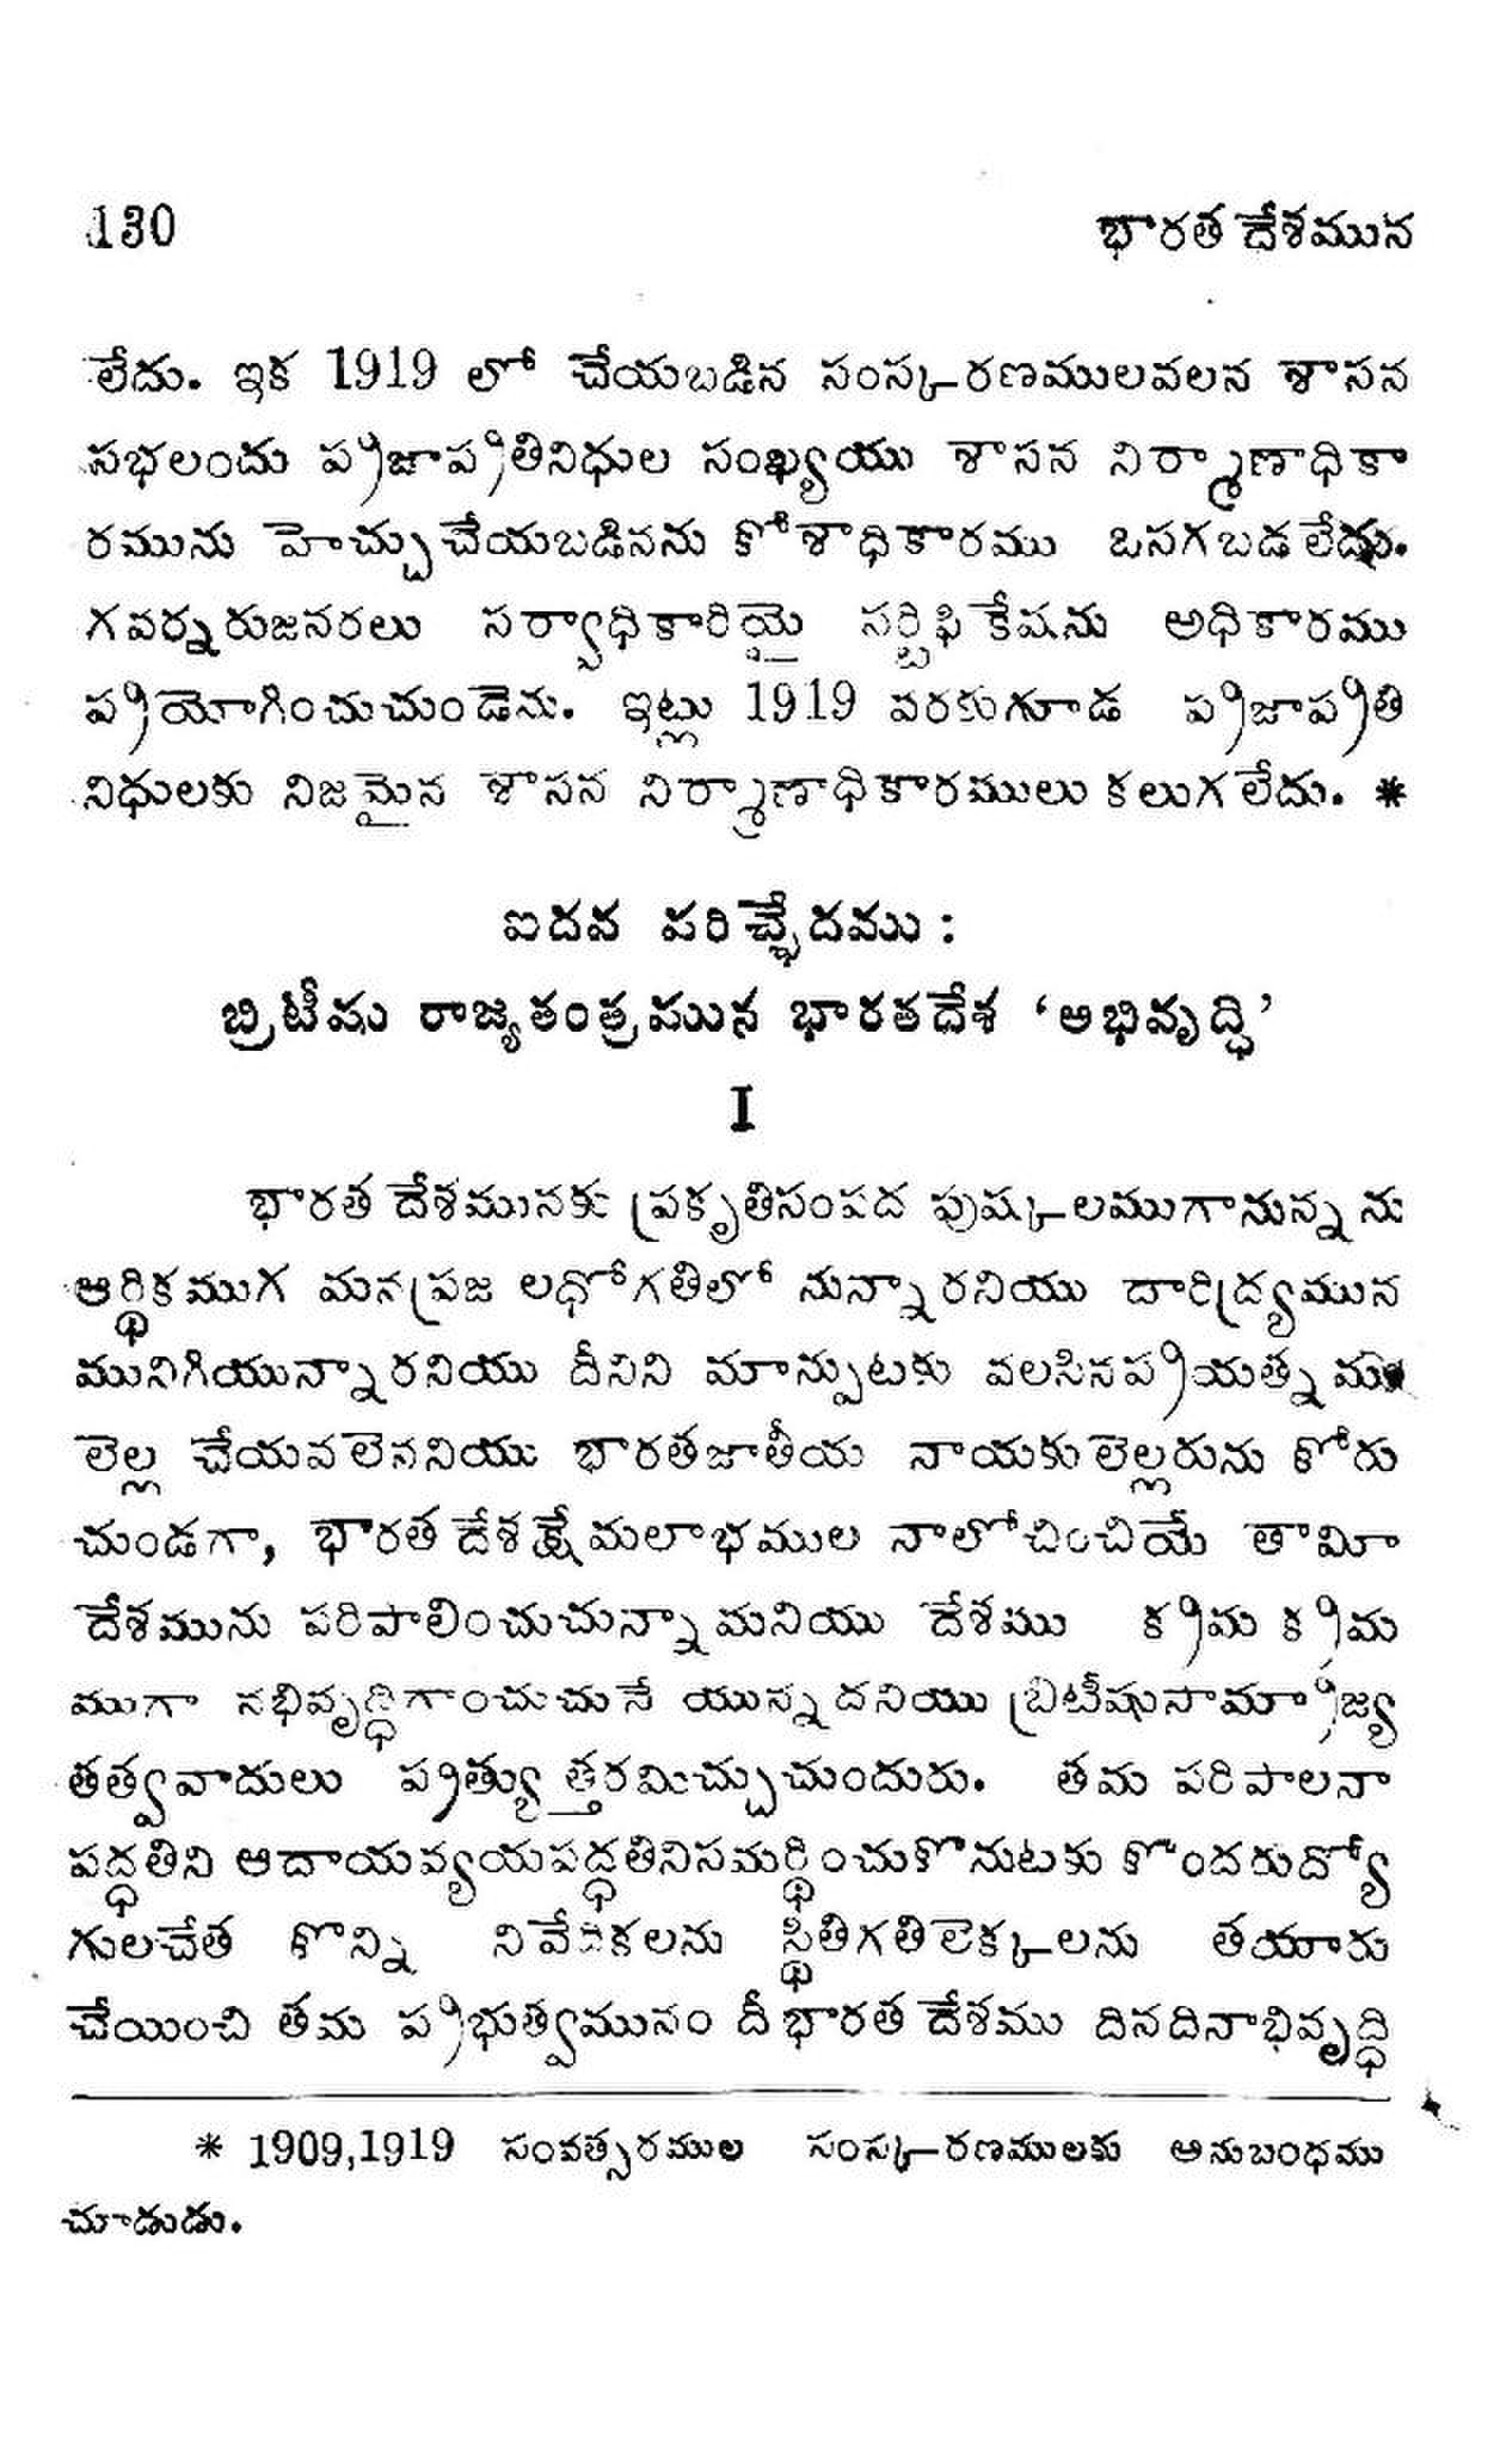లేదు. ఇక 1919 లో చేయబడిన సంస్కరణములవలన శాసనసభలందు ప్రజాప్రతినిధుల సంఖ్యయు శాసన నిర్మాణాధికారమును హెచ్చు చేయబడినను కోశాధికారము ఒసగబడలేదు. గవర్నరుజనరలు సర్వాధికారియై సర్టిఫికేషను అధికారము ప్రయోగించుచుండెను. ఇట్లు 1919 వరకుగూడ ప్రజాప్రతినిధులకు నిజమైన శాసన నిర్మాణాధికారములు కలుగలేదు.

ఐదవ పరిచ్చేదము : 
బ్రిటీషు రాజ్యతంత్రమున భారతదేశ 'అభివృద్ధి'
I

భారతదేశమునకు ప్రకృతిసంపద పుష్కలముగానున్నను ఆర్థికముగ మనప్రజ లధోగతిలో నున్నారనియు దారిద్ర్యమున మునిగియున్నారనియు దీనిని మాన్పుటకు వలసిన ప్రయత్నములెల్ల చేయవలెననియు భారతజాతీయ నాయకులెల్లరును కోరుచుండగా, భారతదేశక్షేమలాభముల నాలోచించియే తామీదేశమును పరిపాలించుచున్నామనియు దేశము క్రమక్రమముగా నభివృద్ధిగాంచుచునే యున్నదనియు బ్రిటీషుసామ్రాజ్య తత్వవాదులు ప్రత్యుత్తరమిచ్చుచుందురు. తమ పరిపాలనా పద్ధతిని ఆదాయవ్యయపద్ధతిని సమర్థించుకొనుటకు కొందరుద్యోగులచేత కొన్ని నివేదికలను స్థితిగతిలెక్కలను తయారుచేయించి తమ ప్రభుత్వమునం దీభారతదేశము దినదినాభివృద్ధి
 

.